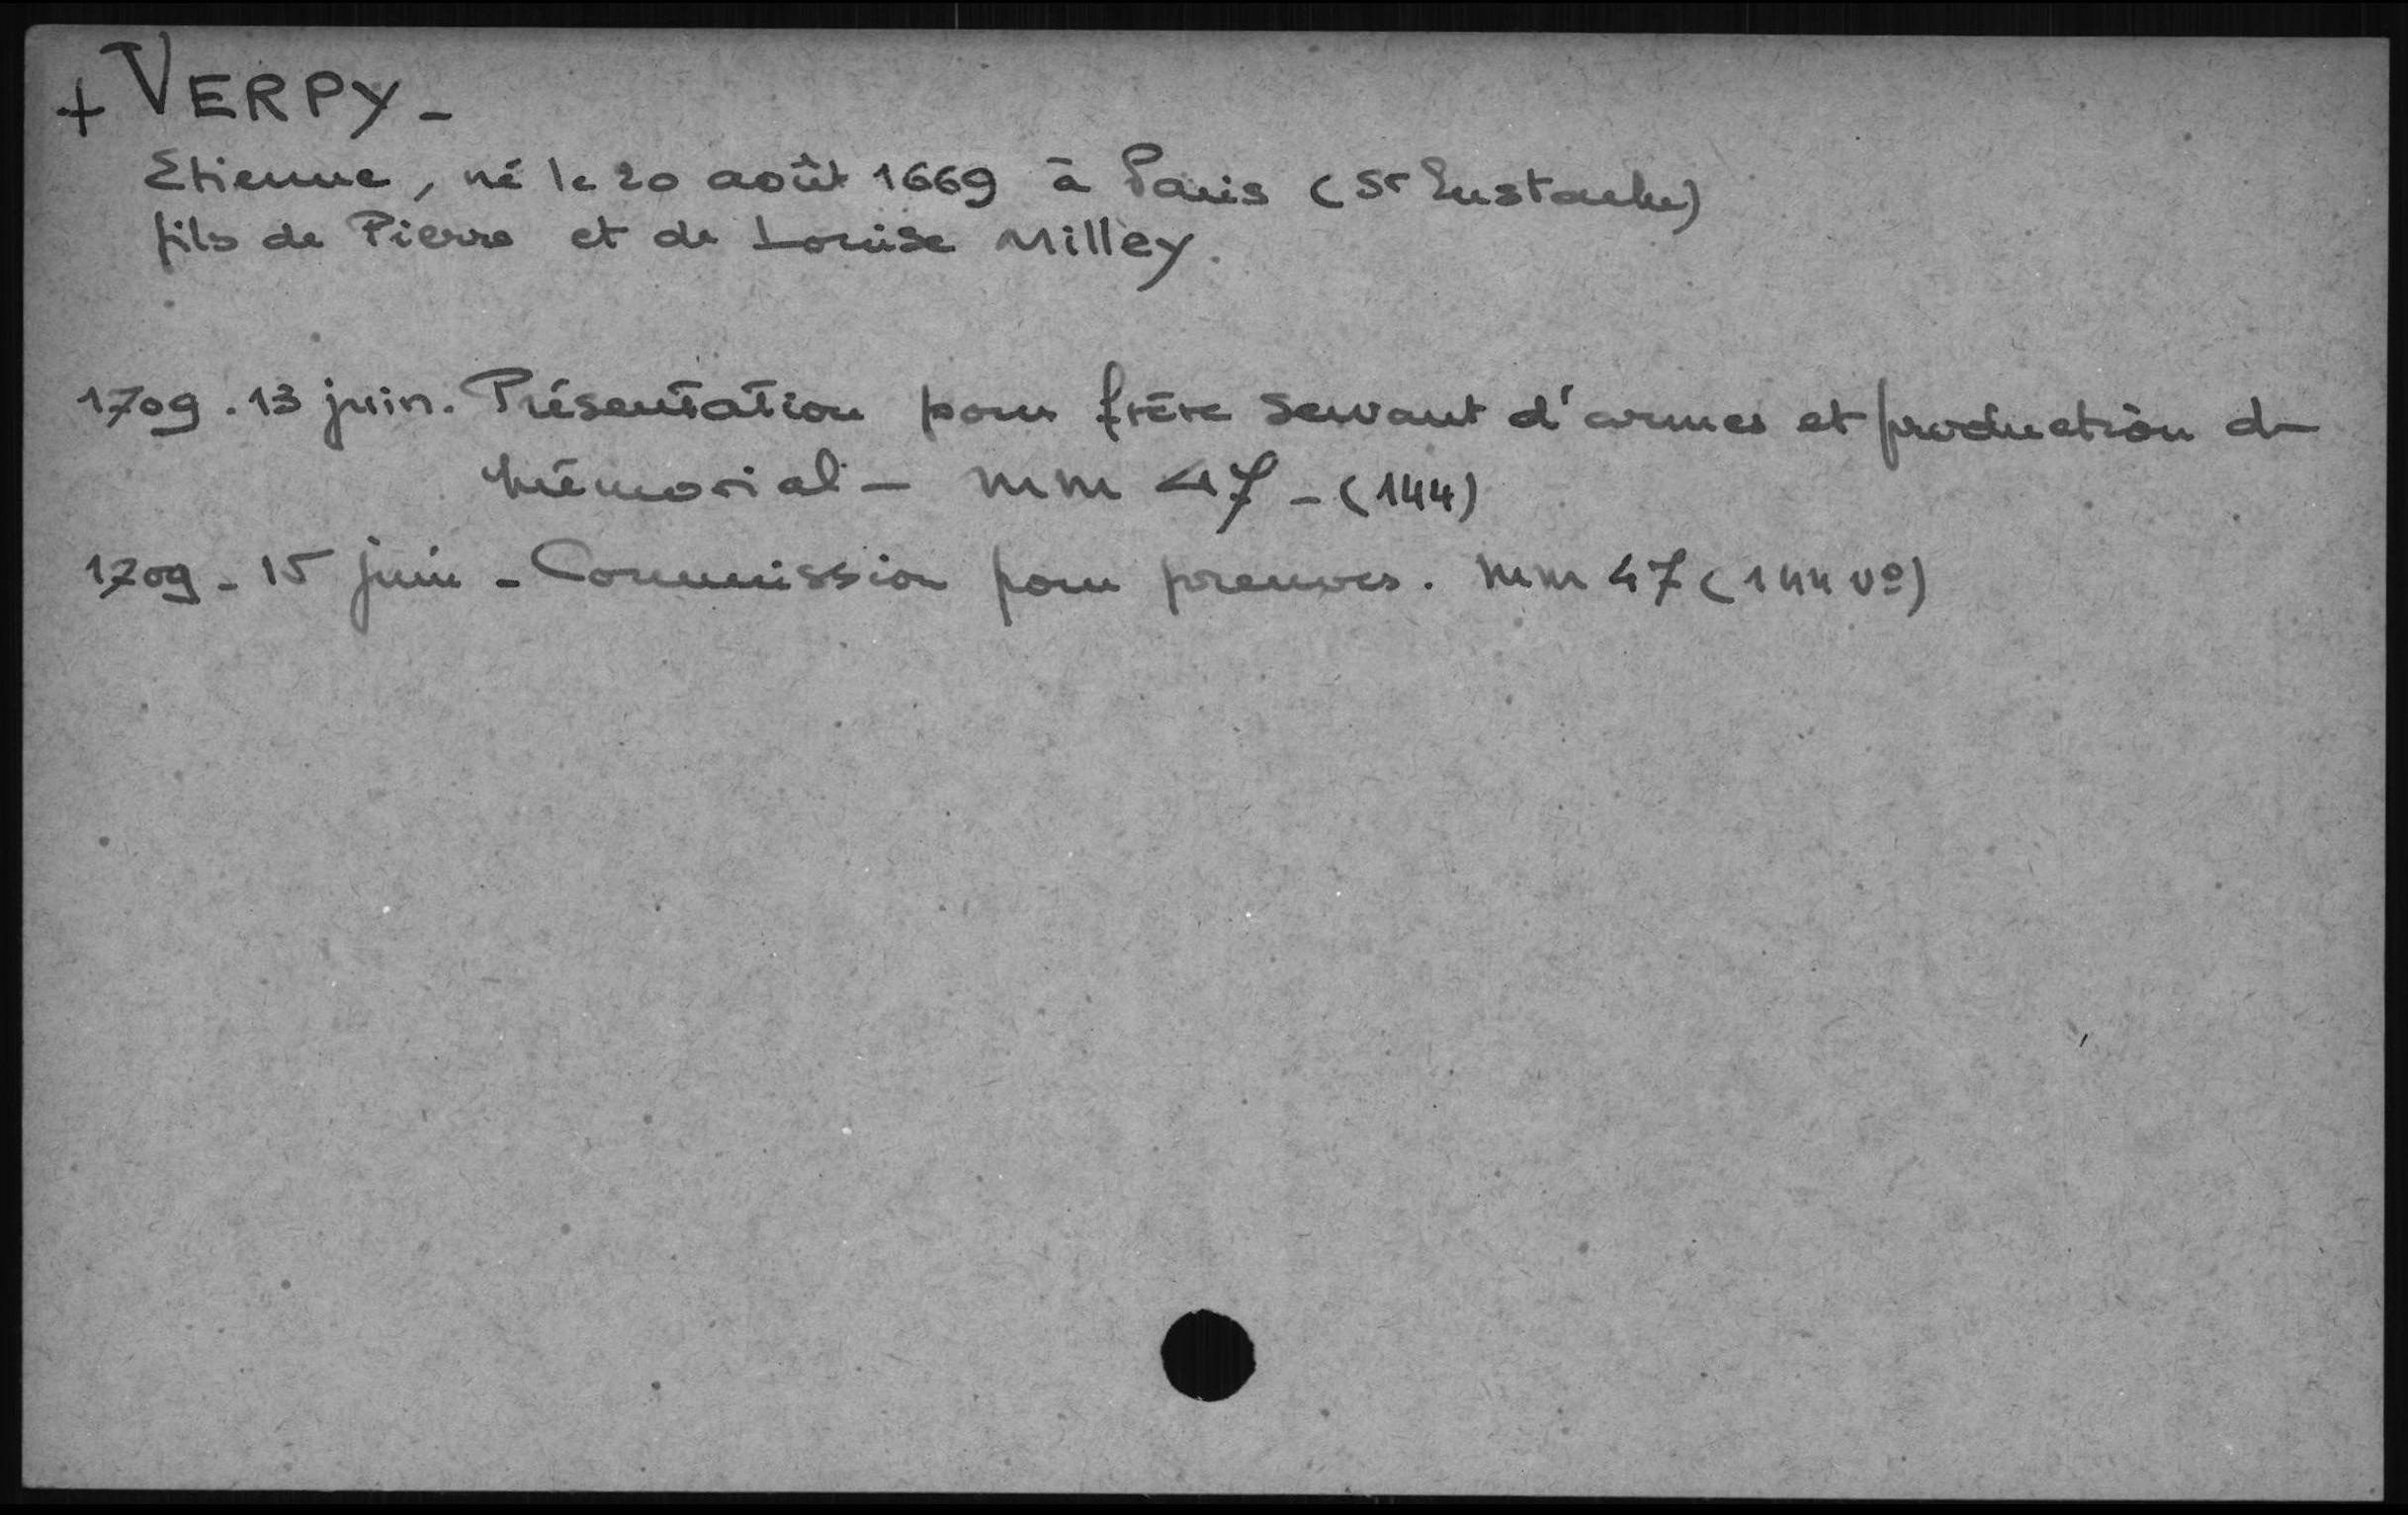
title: + VERPY; Etienne, né le 20 août 1669 à Paris (Saint Eustache), fils de Pierre et de Louise Milley
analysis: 1709, 13 juin. Présentation pour frère servant d'armes et production de mémorial. MM 47 (144) 1709, 15 juin. Commission pour preuves. MM 47 (144v)
